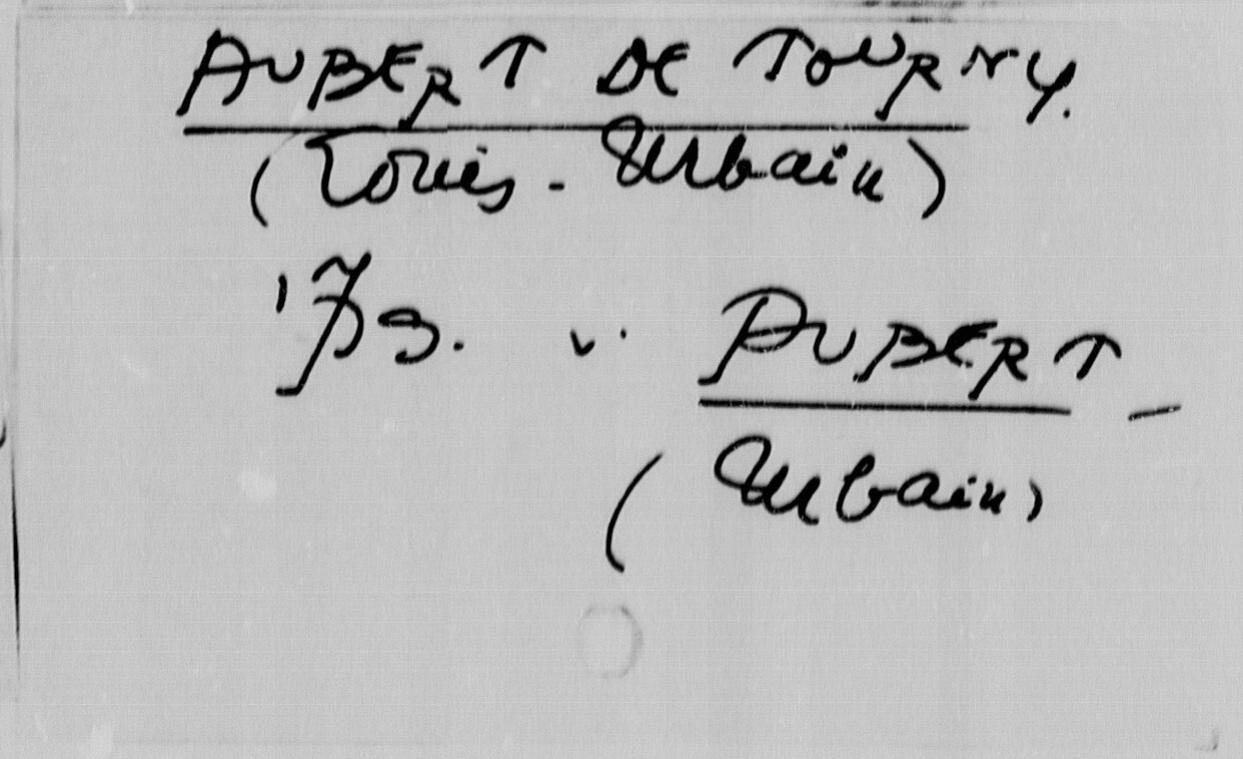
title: AUBERT DE TOURNY (Louis-Urbain)
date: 1709
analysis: Voir AUBERT (Aubain)
